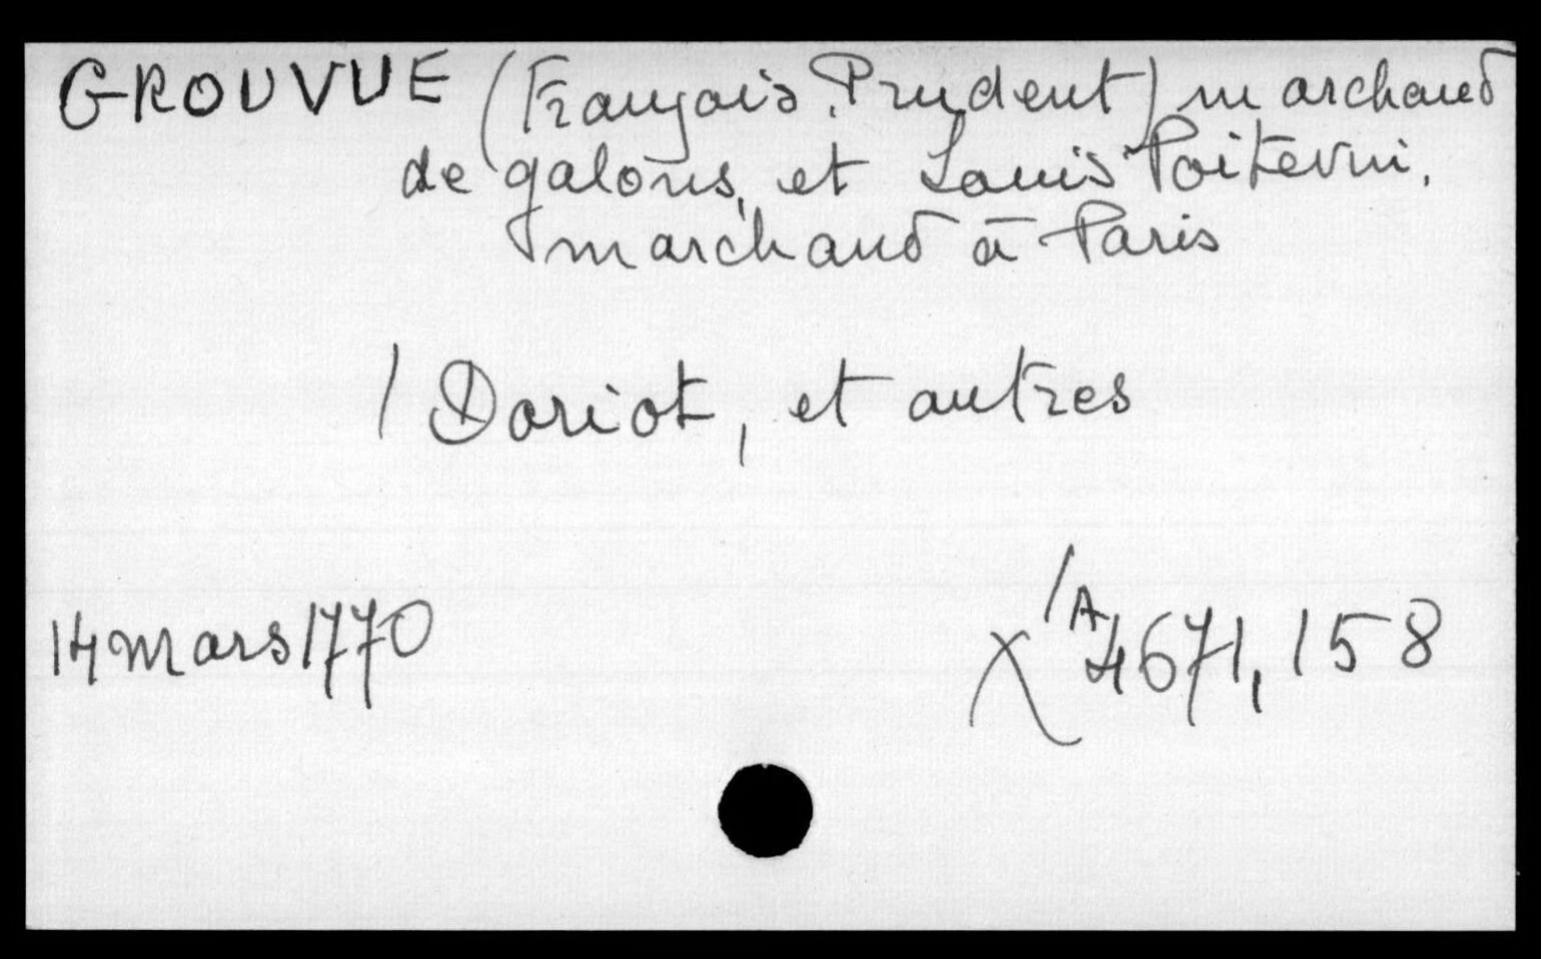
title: GROUVUE (François Prudent), marchand de galons, et Louis Poitevin, marchand à Paris
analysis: Contre Doriot et autres
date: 14 mars 1770
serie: X1A
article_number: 4671
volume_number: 158
